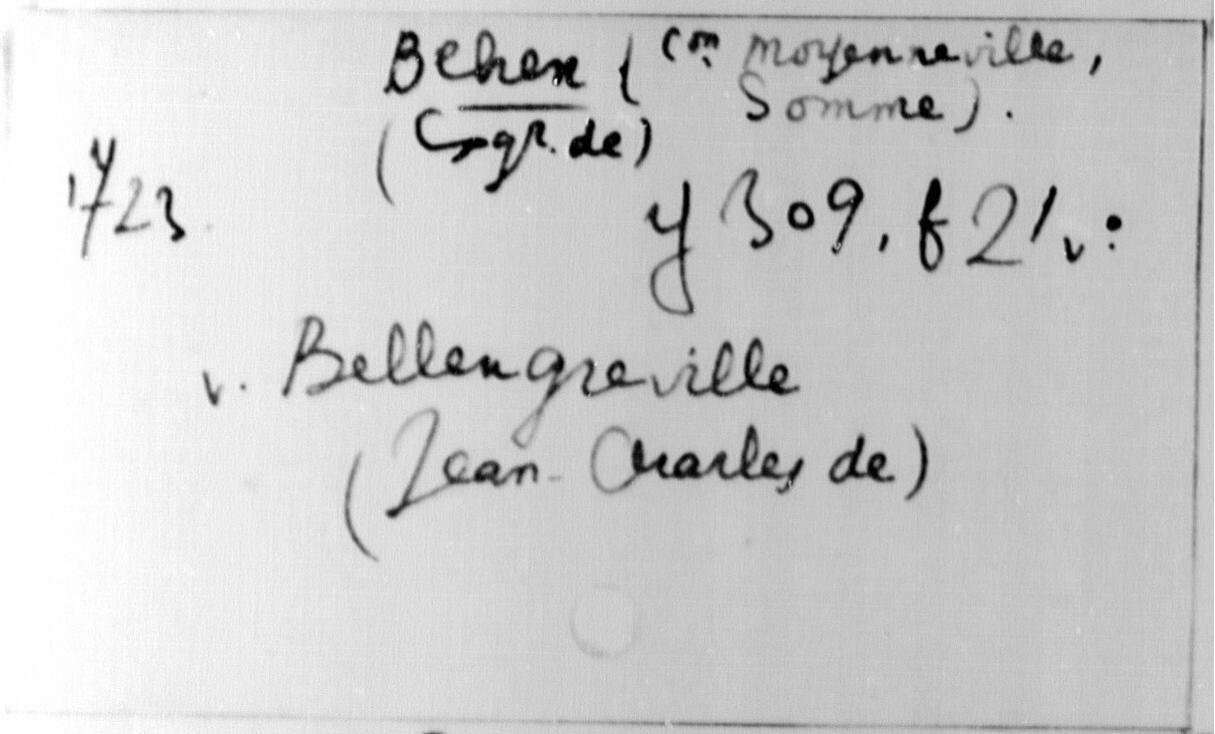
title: Behen (Canton Moyenneville, Somme) (Seigneur de)
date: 1723
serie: Y
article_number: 309
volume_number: folio 21v
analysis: Voir Bellengreville (Jean-Charles de)
